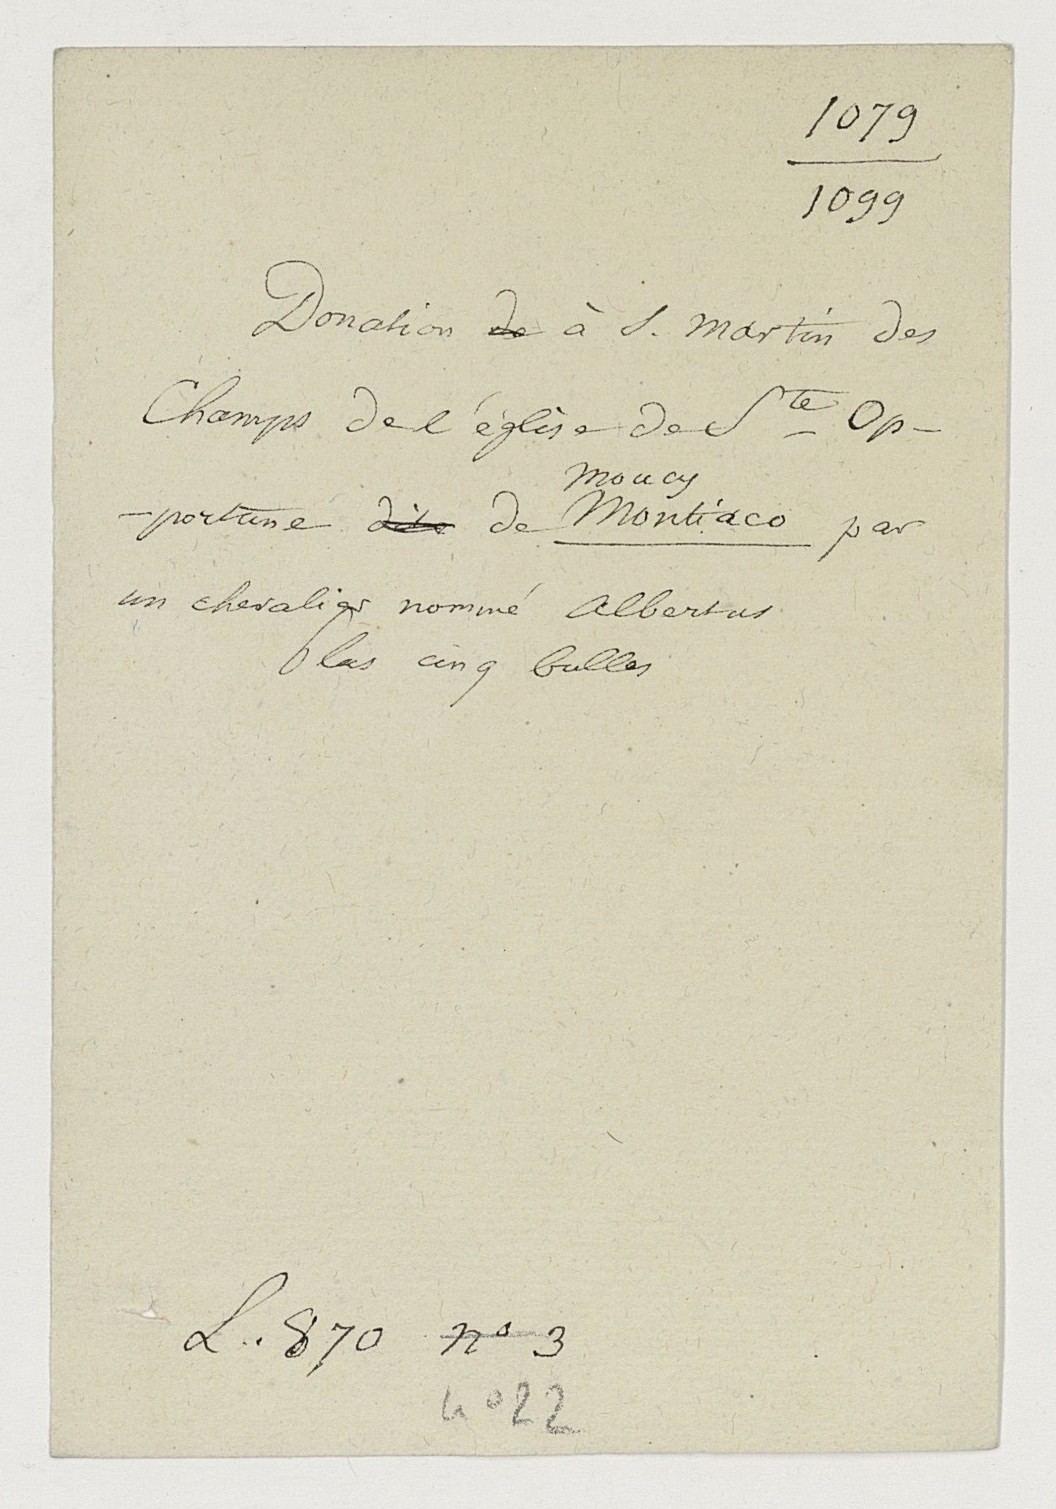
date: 1079-1099
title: Donation à Saint-Martin des Champs de l'église de Sainte-Opportune de Moucy (Montiaco) par un chevalier nommé Albertus
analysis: Plus cinq bulles
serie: L
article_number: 870
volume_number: n° 22
